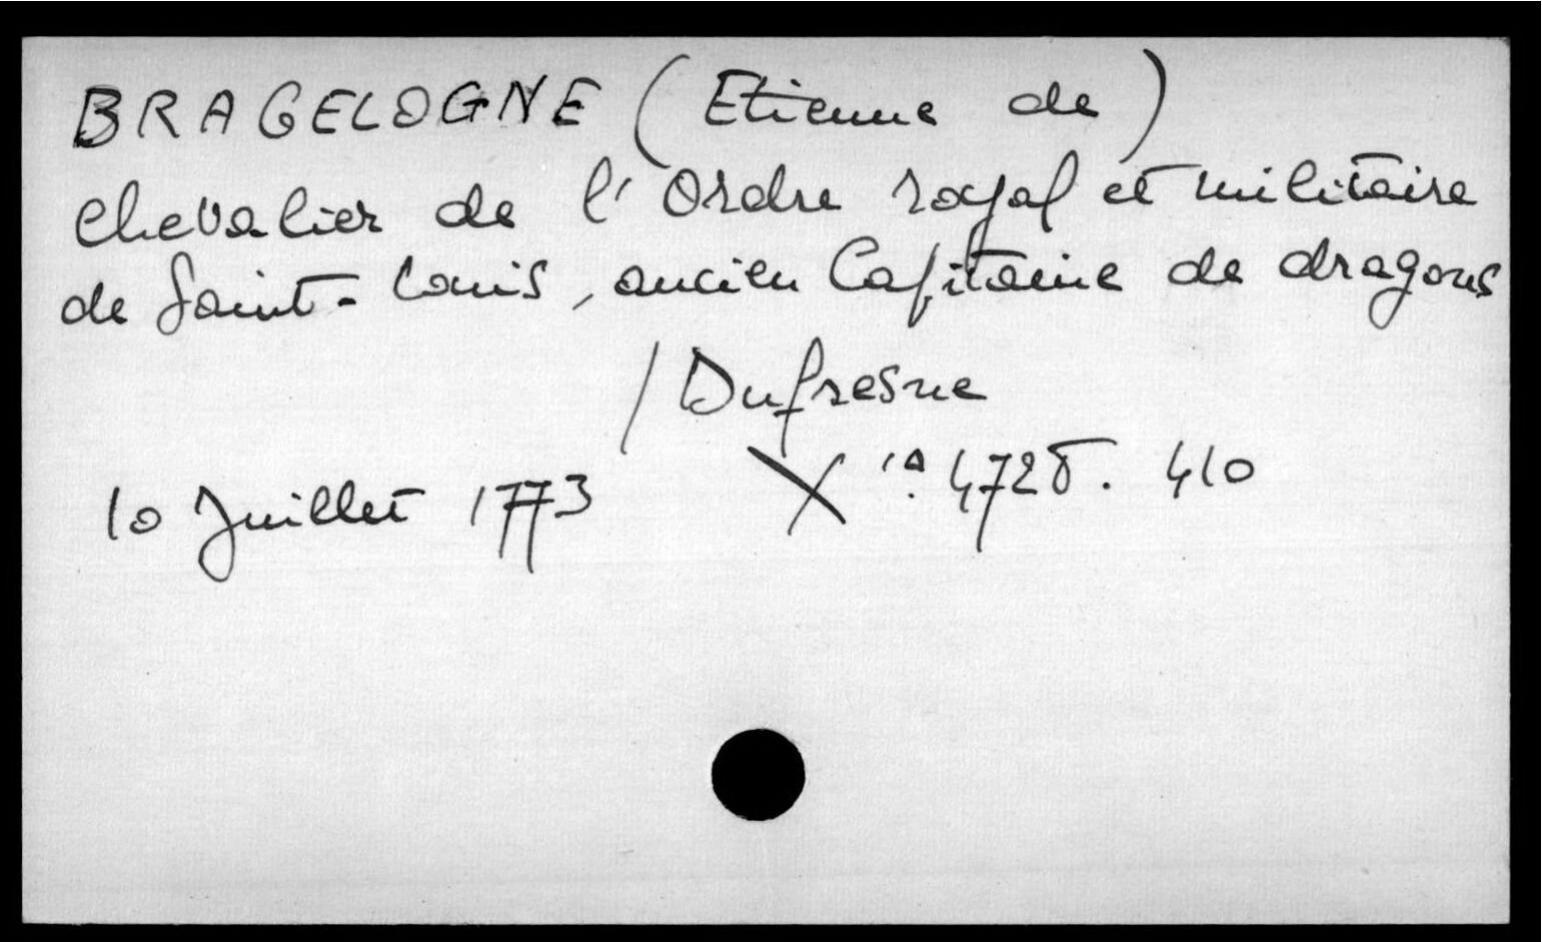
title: BRAGELOGNE (Etienne de) Chevalier de l'ordre royal et militaire de Saint-Louis, ancien Capitaine de dragons
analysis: Contre Dufresne
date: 10 juillet 1773
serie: X1A
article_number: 4728
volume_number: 410
